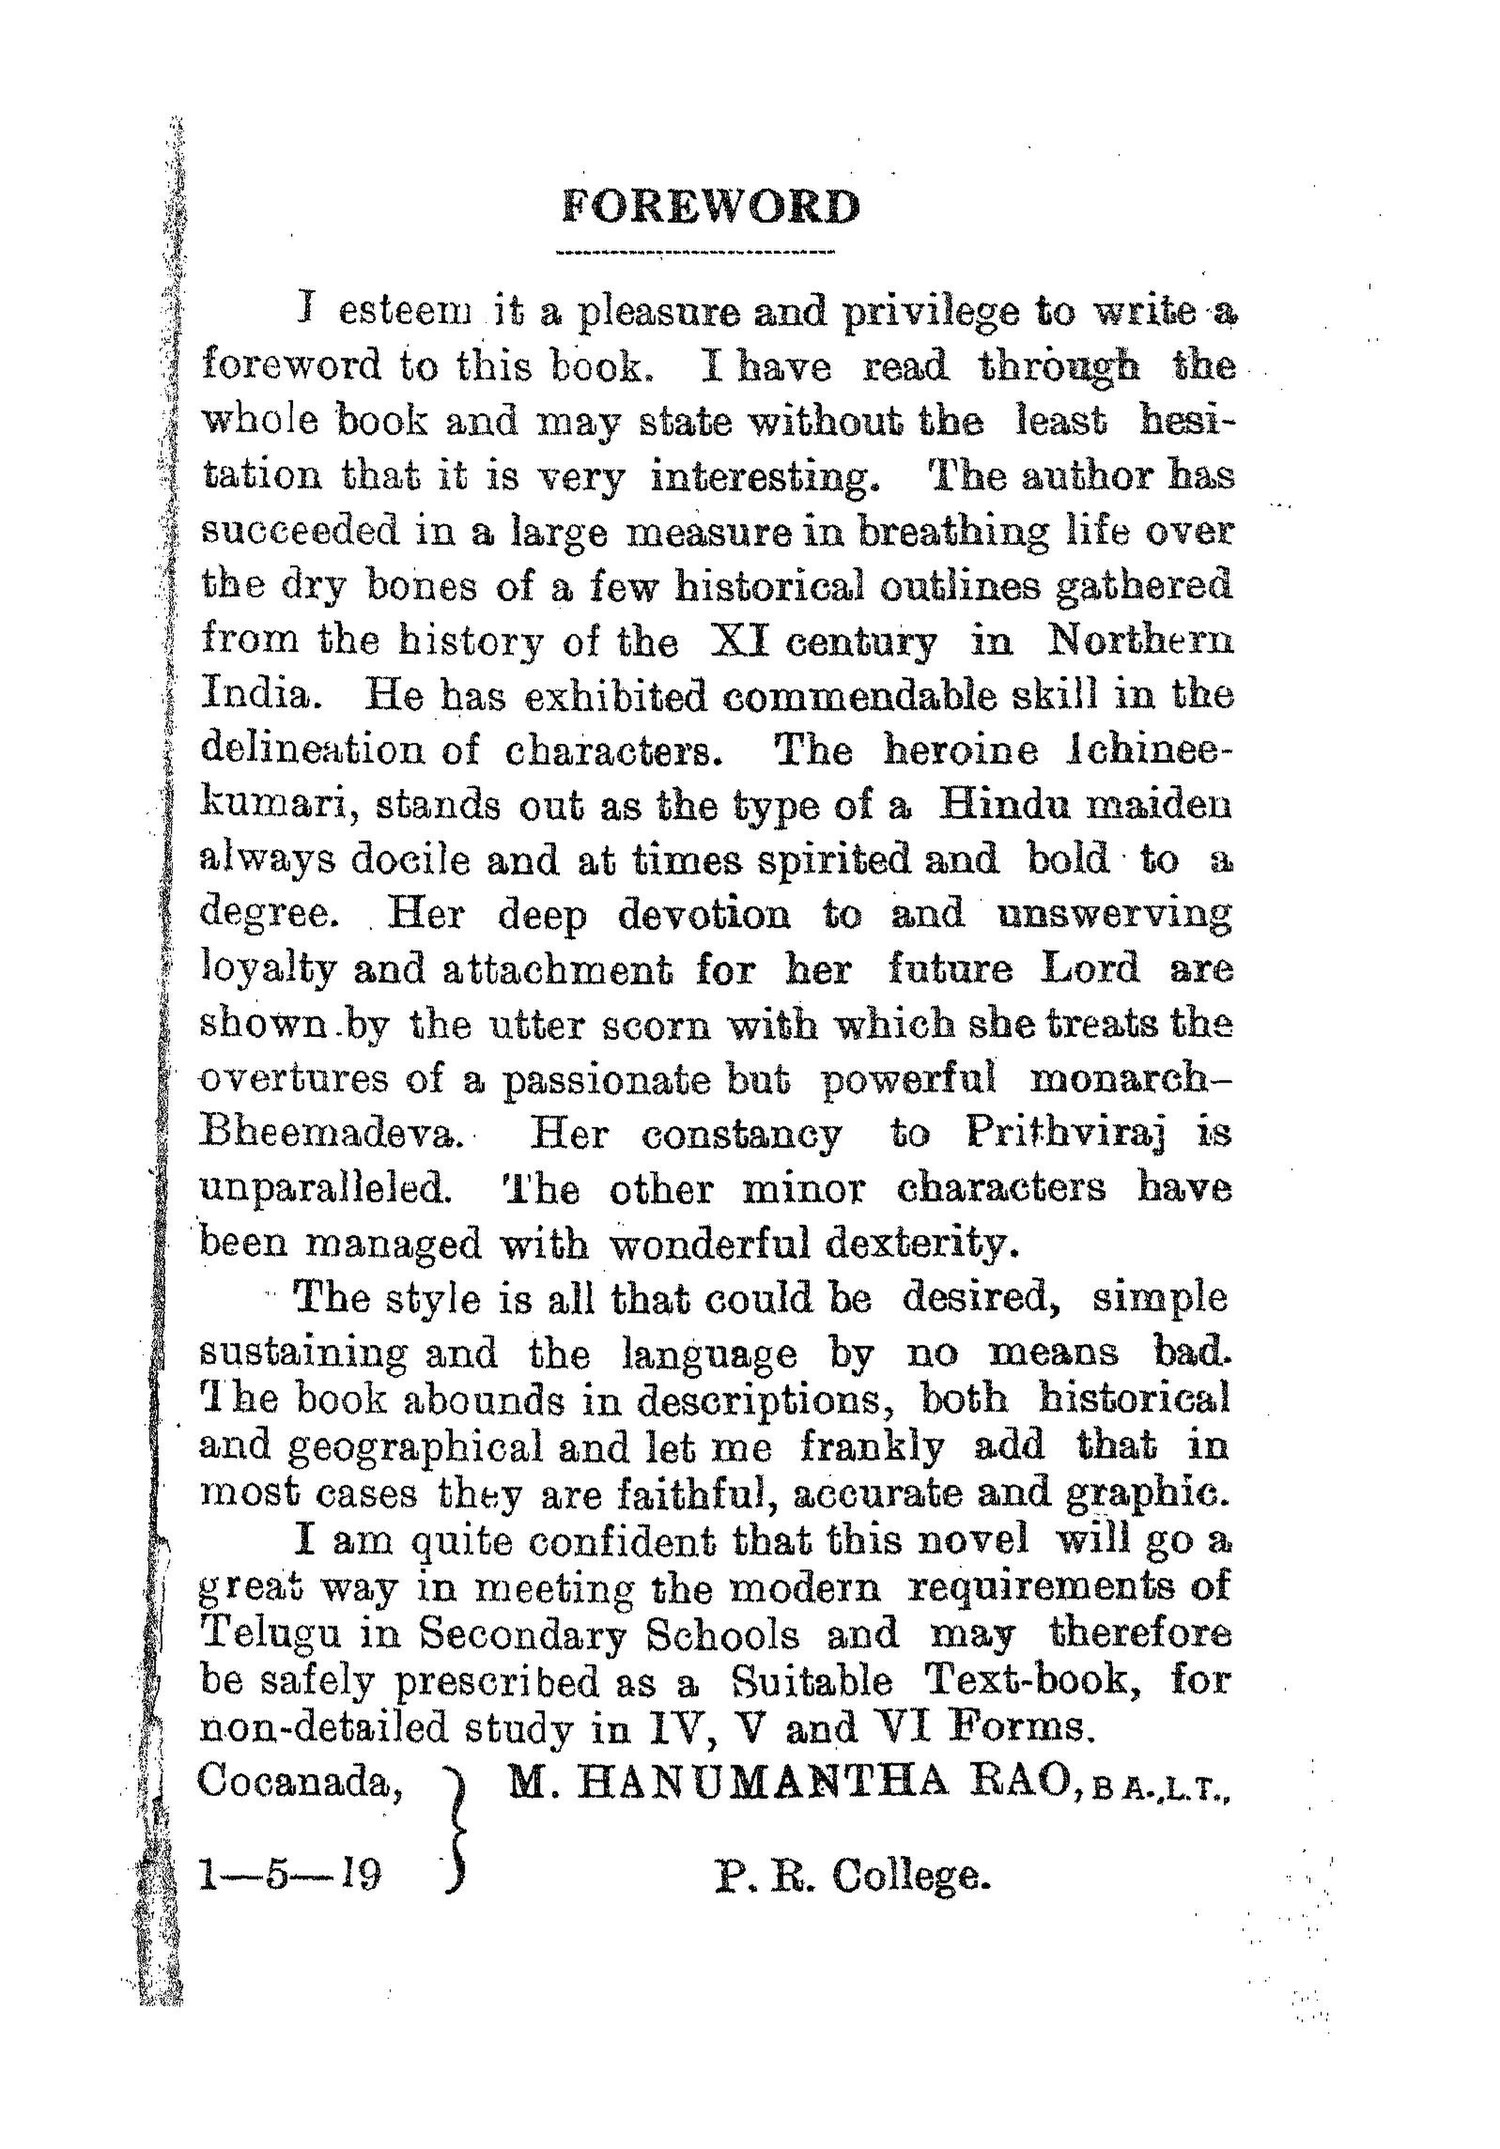FOREWORD

I esteem it a pleasure and privilege to write a foreword to this book. I have read through the whole book and may state without the least hesitation that it is very interesting. The author has
succeeded in a large measure in breathing life over the dry bones of a few historical outlines gathered from the history of the XI century in Northern India. He has exhibited commendable skill in the delineation of characters. The heroine Ichineekumari, stands out as the type of a Hindu maiden always docile and at times spirited and bold to a degree. Her deep devotion to and unswerving loyalty and attachment for her future Lord are shown by the utter scorn with which she treats the overtures of a passionate but powerful monarch-Bheemadeva. Her constancy to Prithviraj is unparalleled. The other minor characters have been managed with wonderful dexterity.

The style is all that could be desired, simple sustaining and the language by no means bad. The book abounds in descriptions, both historical and geographical and let me frankly add that in most cases they are faithful, accurate and graphic.

I am quite confident that this novel will go a great way in meeting the modern requirements of Telugu in Secondary Schools and may therefore be safely prescribed as a Suitable Text-book, for non-detailed study in IV, V and VI Forms.